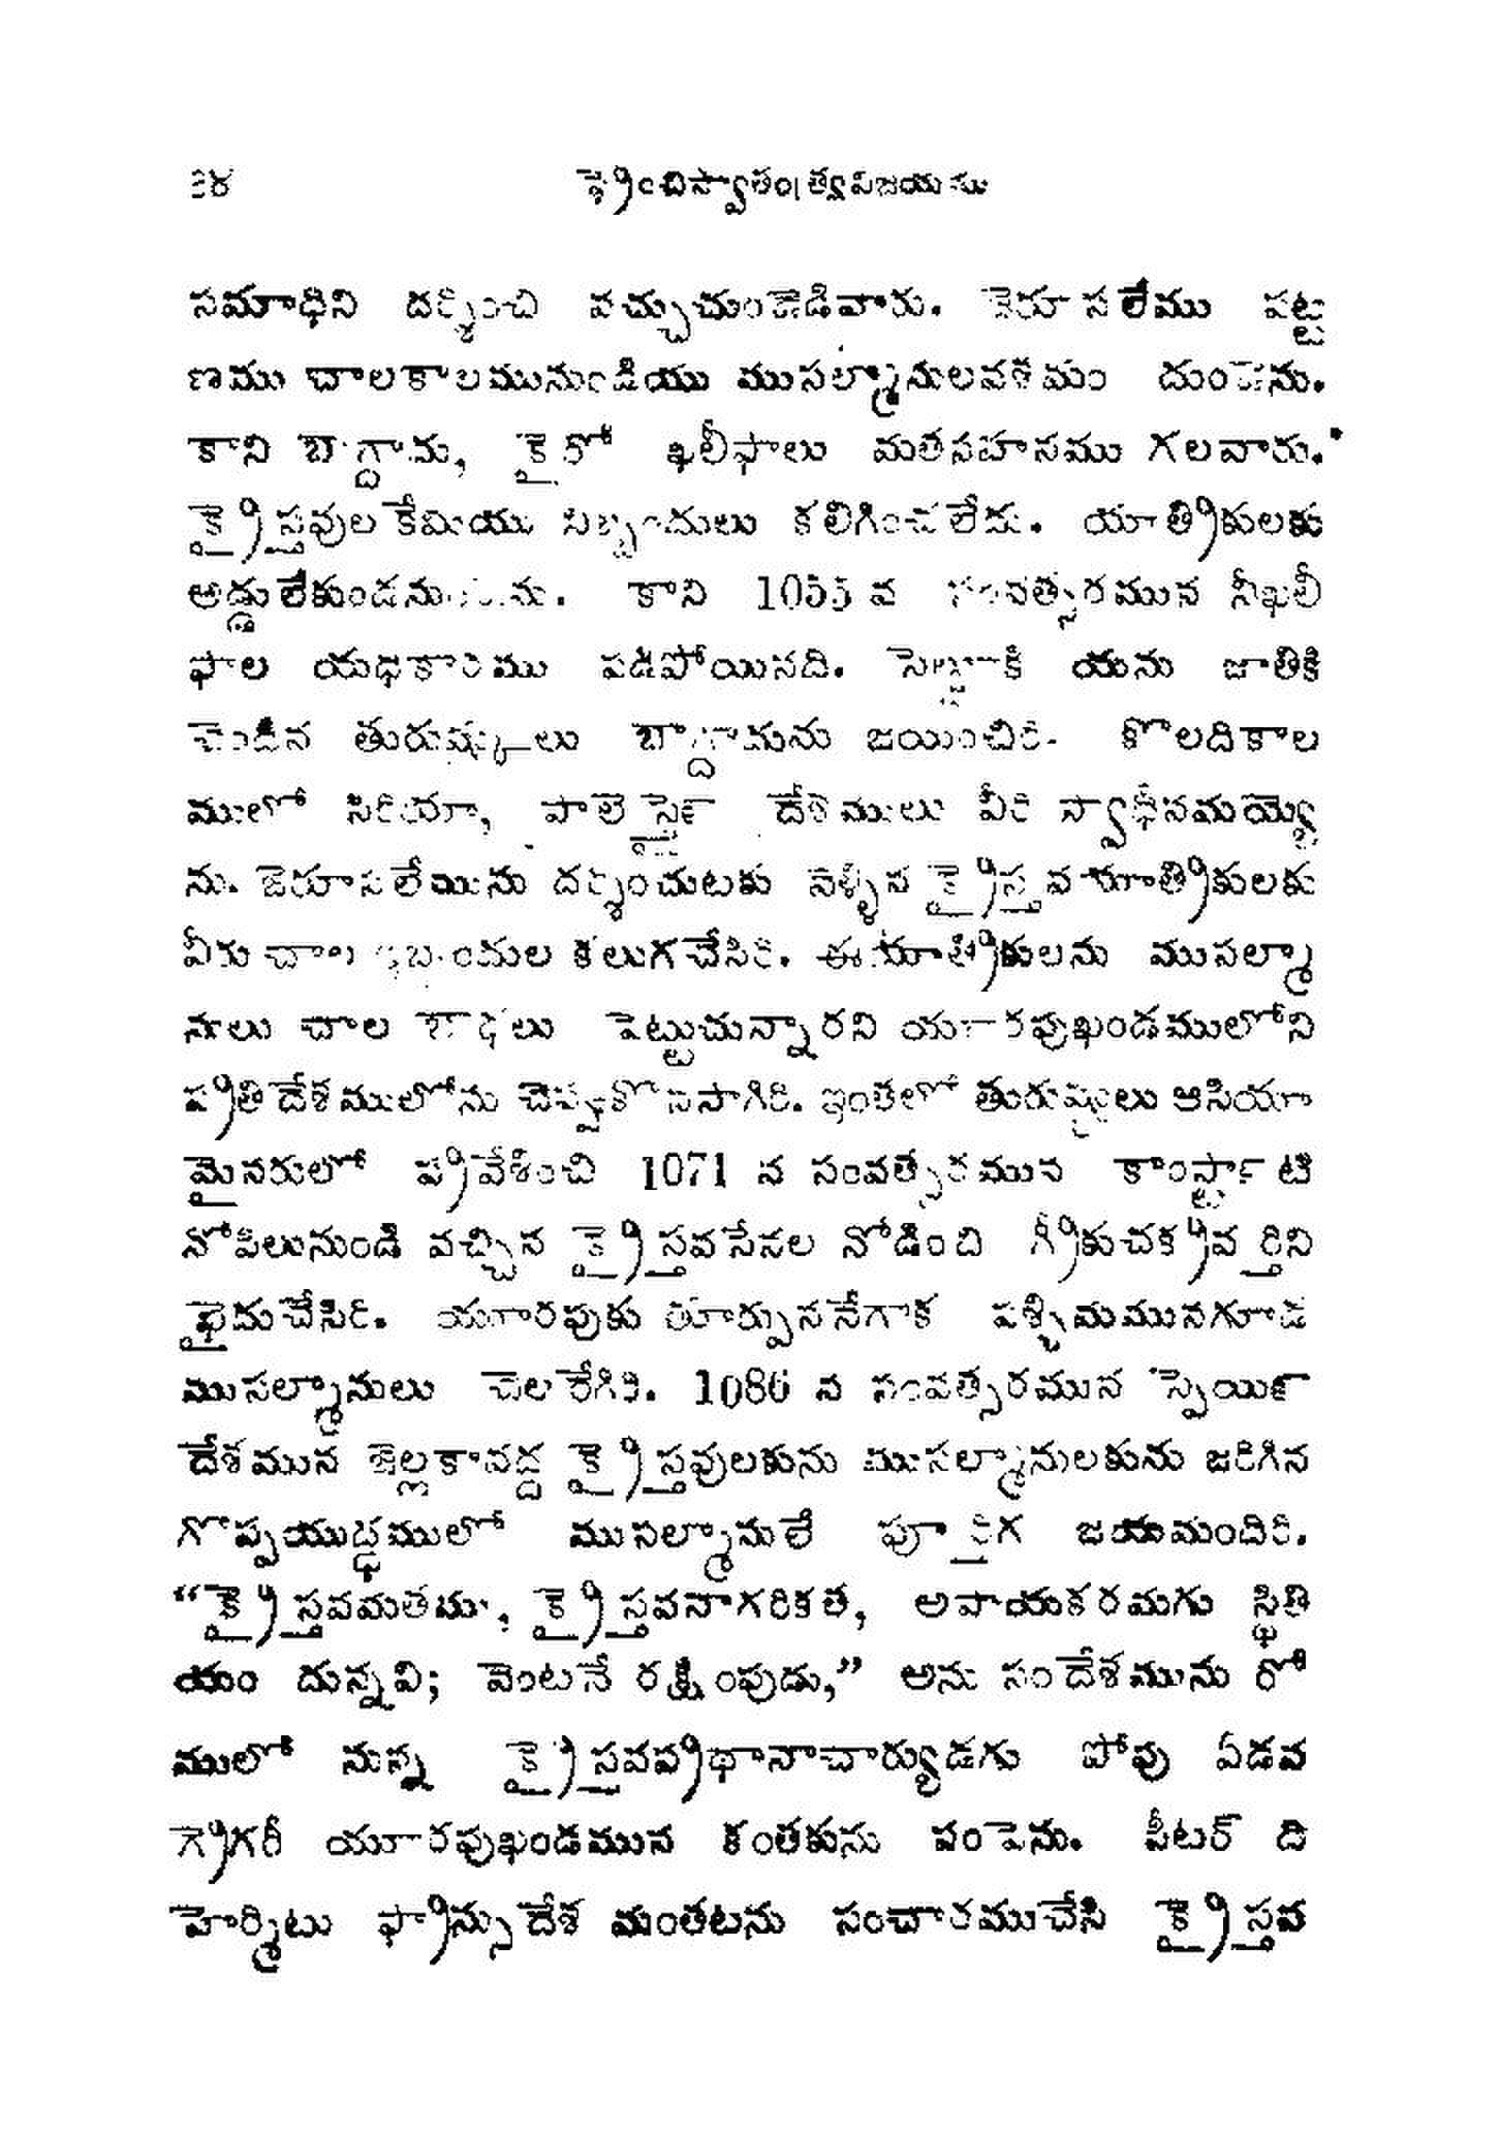సమాధిని దర్శించి పచ్చుచుండివారు. జరూసలేము పట్ట
ణము చాలకాలమునుండియు ముసల్మానుల వశమం దుండెను.
కానీ 'భాగ్దాదు, ఖైరో ఖలీఫాలు మతసహసము గలవారు.
క్రైస్తవుల కేమియు నిబ్బందులు కలిగించ లేదు. యాత్రికులకు
అడ్డు లేకుండనుండెను 1055 నం. వత్సరమున నీఖలీ
ఫాల యధికారము పడిపోయినది. సెబ్బూకి యను జాతికి
చెందిన తురుష్కులు బాగ్దాదును జయించిరి.కొలది కాల
ములో సిరియా, పాలేస్తైన్ దేశములు వీరి స్వాదీనమయ్యెను.
జెరూసలేమును దర్శించుటకు వెళ్ళిన క్రైస్తవ యాత్రికులకు
వీరు చాల ఇబ్బందులు కలుగ చేసిరి. ఈ యాత్రికులను ముసల్మా
నులు చాల బాదలు పెట్టుచున్నారని యూరఫుఖండములోని
ప్రతి దేశములోను చెప్పుకొనసాగిరి. ఇంతలో తురుష్కులు ఆసియ
మైనరులో ప్రవేశించి 1071 న సంవత్సరమున కాంస్ట్రాన్ టీ
నోపిలునుండి వచ్చిన క్రైస్తవ సేనల నోడించి గ్రీకు చక్రవ ర్తిని
ఖైదు చేసిరి. యూరపుకు తూర్పున నేగాక పశ్చిమమునగూడ
ముసల్మానులు చెల రేగి 1086 వ. సంవత్సరమున 'స్పెయిన్
దేశమున జెల్లకా వద్ద క్రైస్తవులకును ముసల్మానులకును జరిగిన
గొప్ప యుద్ధములో ముసల్మానులే పూర్తిగ జయమందిరి .
“క్రైస్తవమతము, క్రైస్తవనాగరికత, అపాయకరమగు స్థితి
యం దున్నవి; వెంటనే రక్షింపుడు,” అను సందేశమును రో
ములో నున్న క్రైస్తవప్రధానాచార్యుడగు పోపు ఏడవ
గ్రెగరీ యూరఫుఖండమున కంతకును పంపెను. పీటర్ ది
హెర్మిటు ఫ్రాన్సు దేశ మంతటను సంచారము చేసి క్రైస్తవ